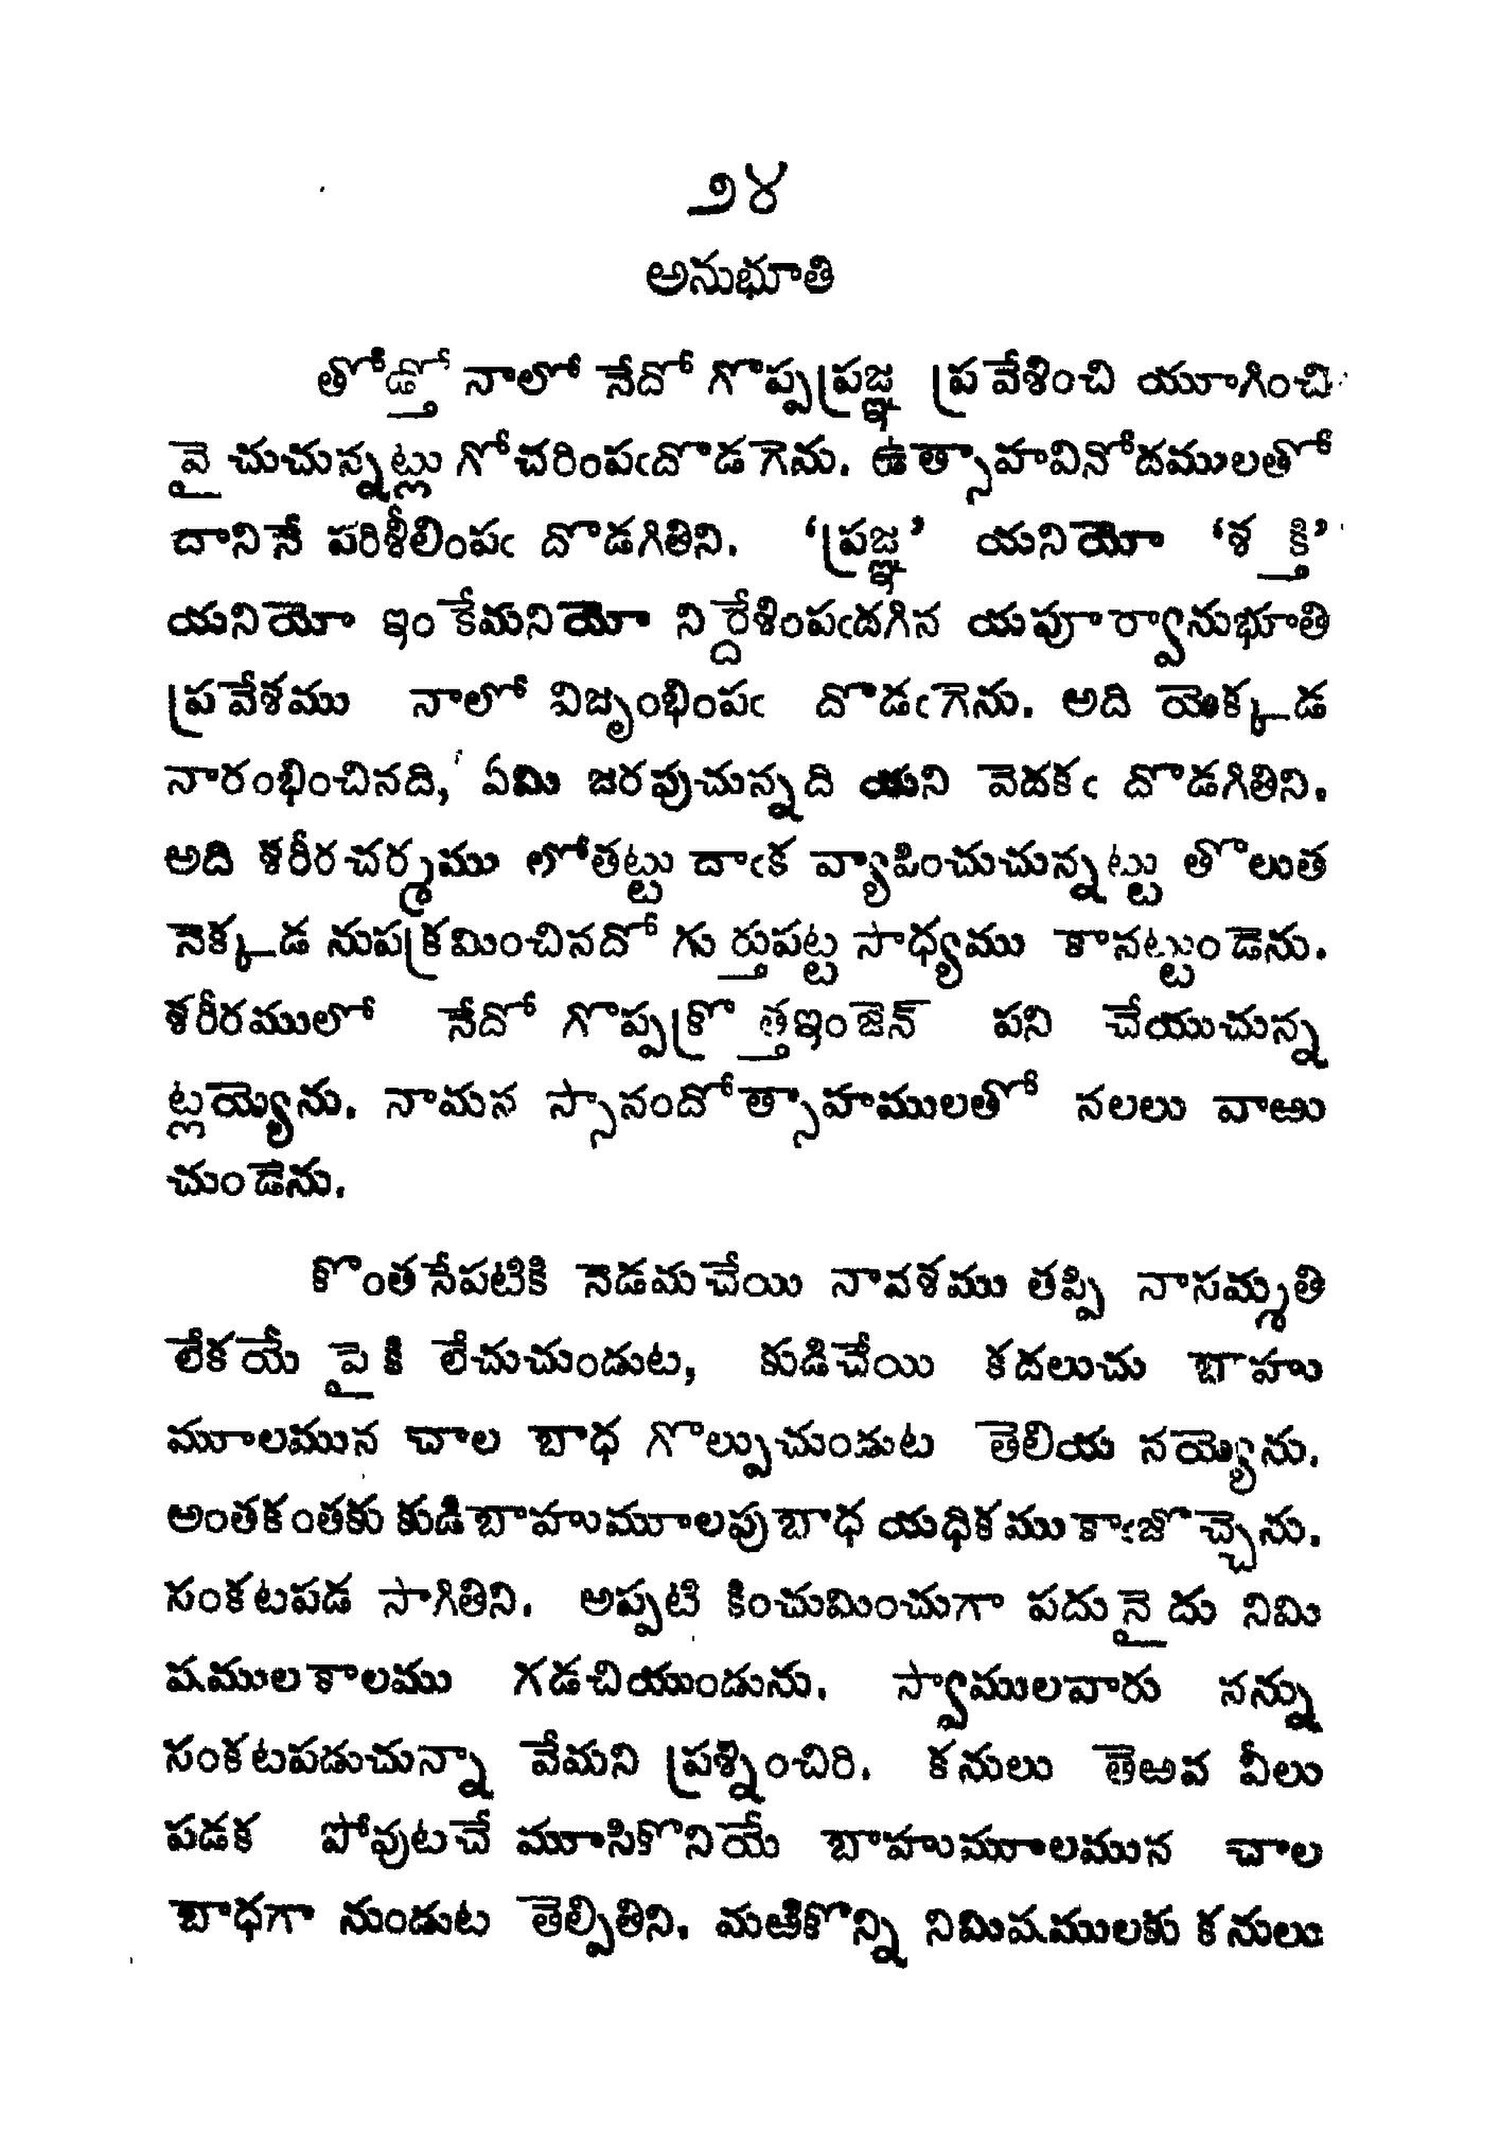తోడ్తో నాలో నేదో గొప్పప్రజ్ఞ ప్రవేశించి యూగించి వైచుచున్నట్లు గోచరింపఁ దొడగెను ఉత్సాహవినోదము లతో దానినే పరిశీలింపఁ దొడగితిని.' ప్రజ్ఞ' యనియో ' శక్తి' యనియో ఇంకేమనియో నిర్దేశింపఁదగిన యపూర్వానుభూతి ప్రవేశము నాలో విజ్రుంభింపఁ దొడఁగెను. అది యెక్కడ నారంభించినది, ఏమి జరపుచున్నది యని వెదకఁ దొడగితిని. అది శరీరచర్మము లోతట్టు దాఁక వ్యాపించు చున్నట్టు తొలుత నెక్కడ నుపక్రమించినదో గుర్తుపట్ట సాధ్యము కానట్టుండెను. శరీరములో నేదో గొప్ప క్రొత్త ఇంజెన్ పనిచేయుచున్నట్లయ్యెను. నా మన స్సానందో త్సాహములతో నలలు వాఱుచుండెను.

కొంతసేపటికి నెడమ చేయి నావశము తప్పి నా సమ్మతి లేకయే పైకి లేచుచుండు ట, కుడిచేయి కదలుచు బహుమూలమున చాల బాధగొల్పుచుండుట తెలియనయ్యెను. అంతకంత కు బాహుమూలపు బాధ యధికము కాఁ జొచ్చెను. సంకటపడ సాగితిని. అప్పటి కించుమించుగా పదునైదు నిమిషముల కాలము గడచియుండును. స్వాముల వారు నన్ను సంకటపడుచున్నా వేమని ప్రశ్నించిరి. కనులు తెఱవ వీలుపడక పోవుటచే మూసికొనియే బాహుమూలముణ చాల బాధగా నుండుట తెల్పితిని. మఱికొన్ని నిమిషములకు కనులు